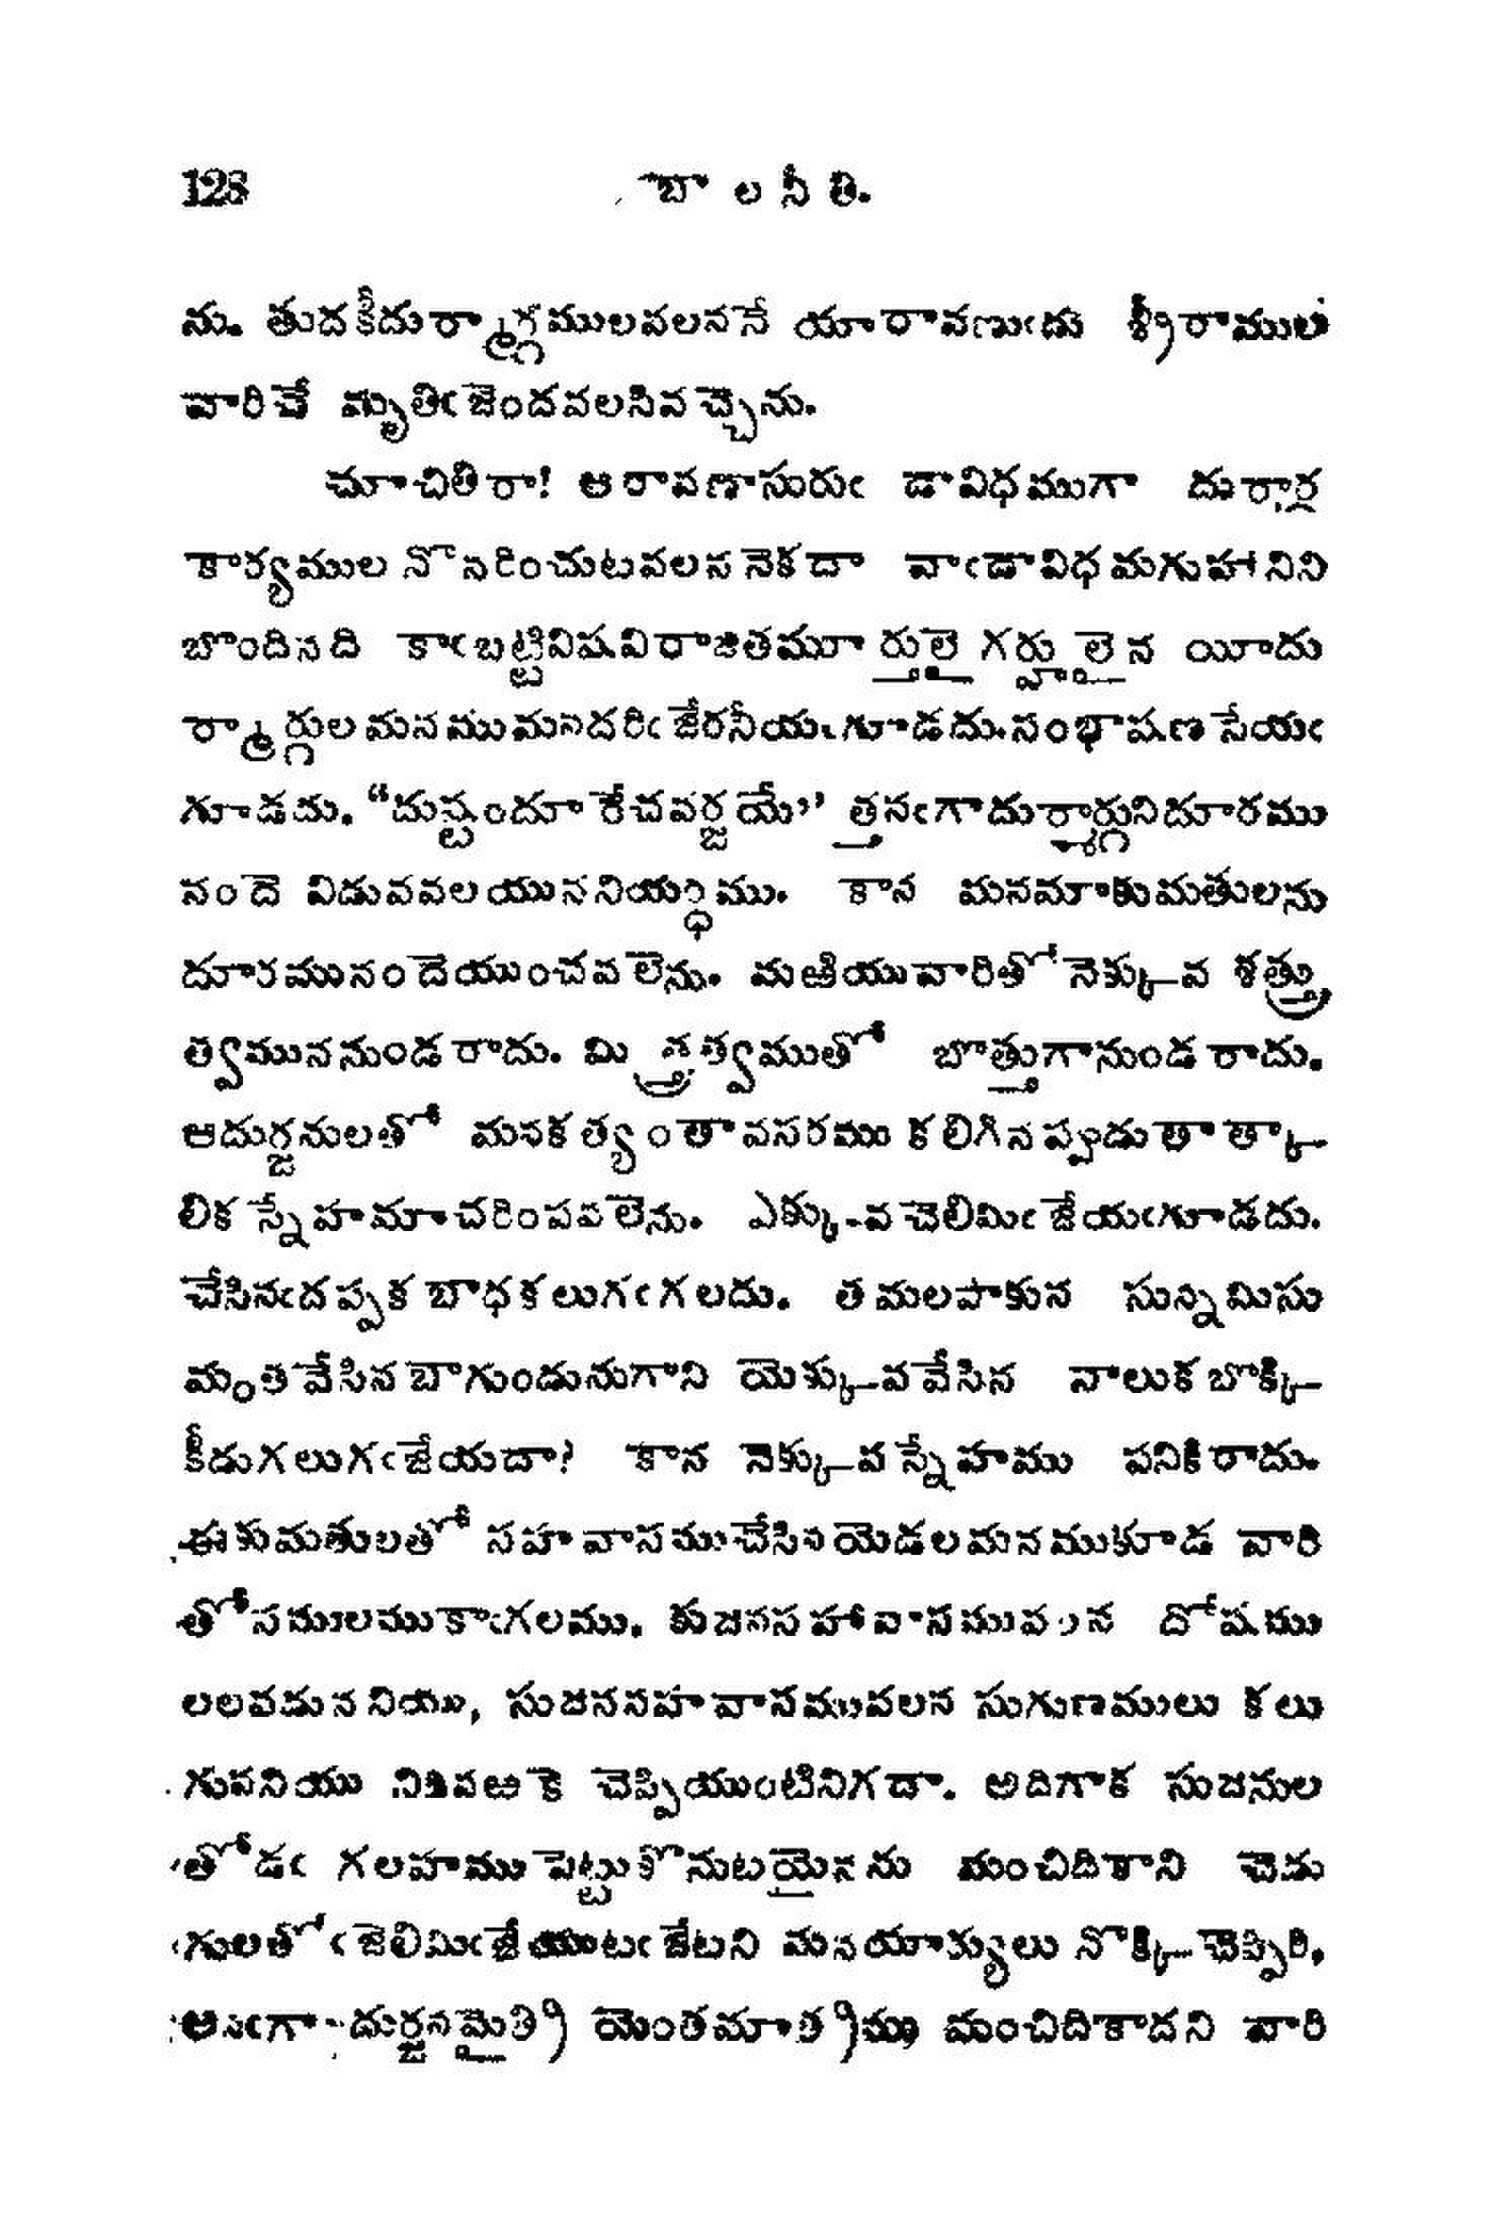ను. తుదకీదుర్మార్గములవలననే యారావణుఁడు శ్రీరాముల 
వారిచే మృతిఁజెందవలసివచ్చెను. 

చూచితిరా! ఆరావణాసురుఁ డావిధముగా దుర్మార్గ 
కార్యముల నొనరించుటవలననెకదా వాఁడావిధమగుహానిని 
బొందినది. కాఁబట్టివిషవిరాజితమూర్తులై గర్హులైన యీదు
ర్మార్గుల మనముమనదరిఁజేరనీయఁగూడదు. సంభాషణసేయఁ
గూడదు. "దుష్టందూరేచవర్జయే"త్తనఁగా దుర్మార్గునిదూరము
నందె విడువవలయుననియర్ధము. కాన మనమాకుమతులను 
దూరమునందె యుంచవలెను. మఱియువారితోనెక్కువ శత్త్రు
త్వముననుండరాదు. మిత్త్రత్వముతో బొత్తుగానుండరాదు. 
ఆదుర్జనులతో మనకత్యంతావసరము కలిగినప్పుడు తాత్కా
లిక స్నేహమాచరింపవలెను. ఎక్కువచెలిమిఁ జేయఁగూడదు. 
చేసినఁదప్పక బాధకలుగఁగలదు. తమలపాకున సున్నమిసు
మంతవేసినబాగుండునుగాని యెక్కువవేసిన నాలుకబొక్కి 
కీడుగలుగఁజేయదా? కాన నెక్కువస్నేహము పనికిరాదు. 
ఈకుమతులతో సహవాసముచేసినయెడల మనముకూడ వారి
తోసములముకాఁగలము. కుజనసహవాసమువలన దోషము
లలవడుననియు, సుజనసహవాసమువలన సుగుణములు కలు
గుననియు నిదివఱకె చెప్పియుంటినిగదా. అదిగాక సుజనుల 
తోడఁ గలహముపెట్టుకొనుటయైనను మంచిదికాని చెడు
గులతోఁ జెలిమిఁజేయుటఁజేటని మనయార్యులు నొక్కిచెప్పిరి. 
అనఁగా దుర్జనమైత్రి యెంతమాత్రము మంచిదికాదని వారి